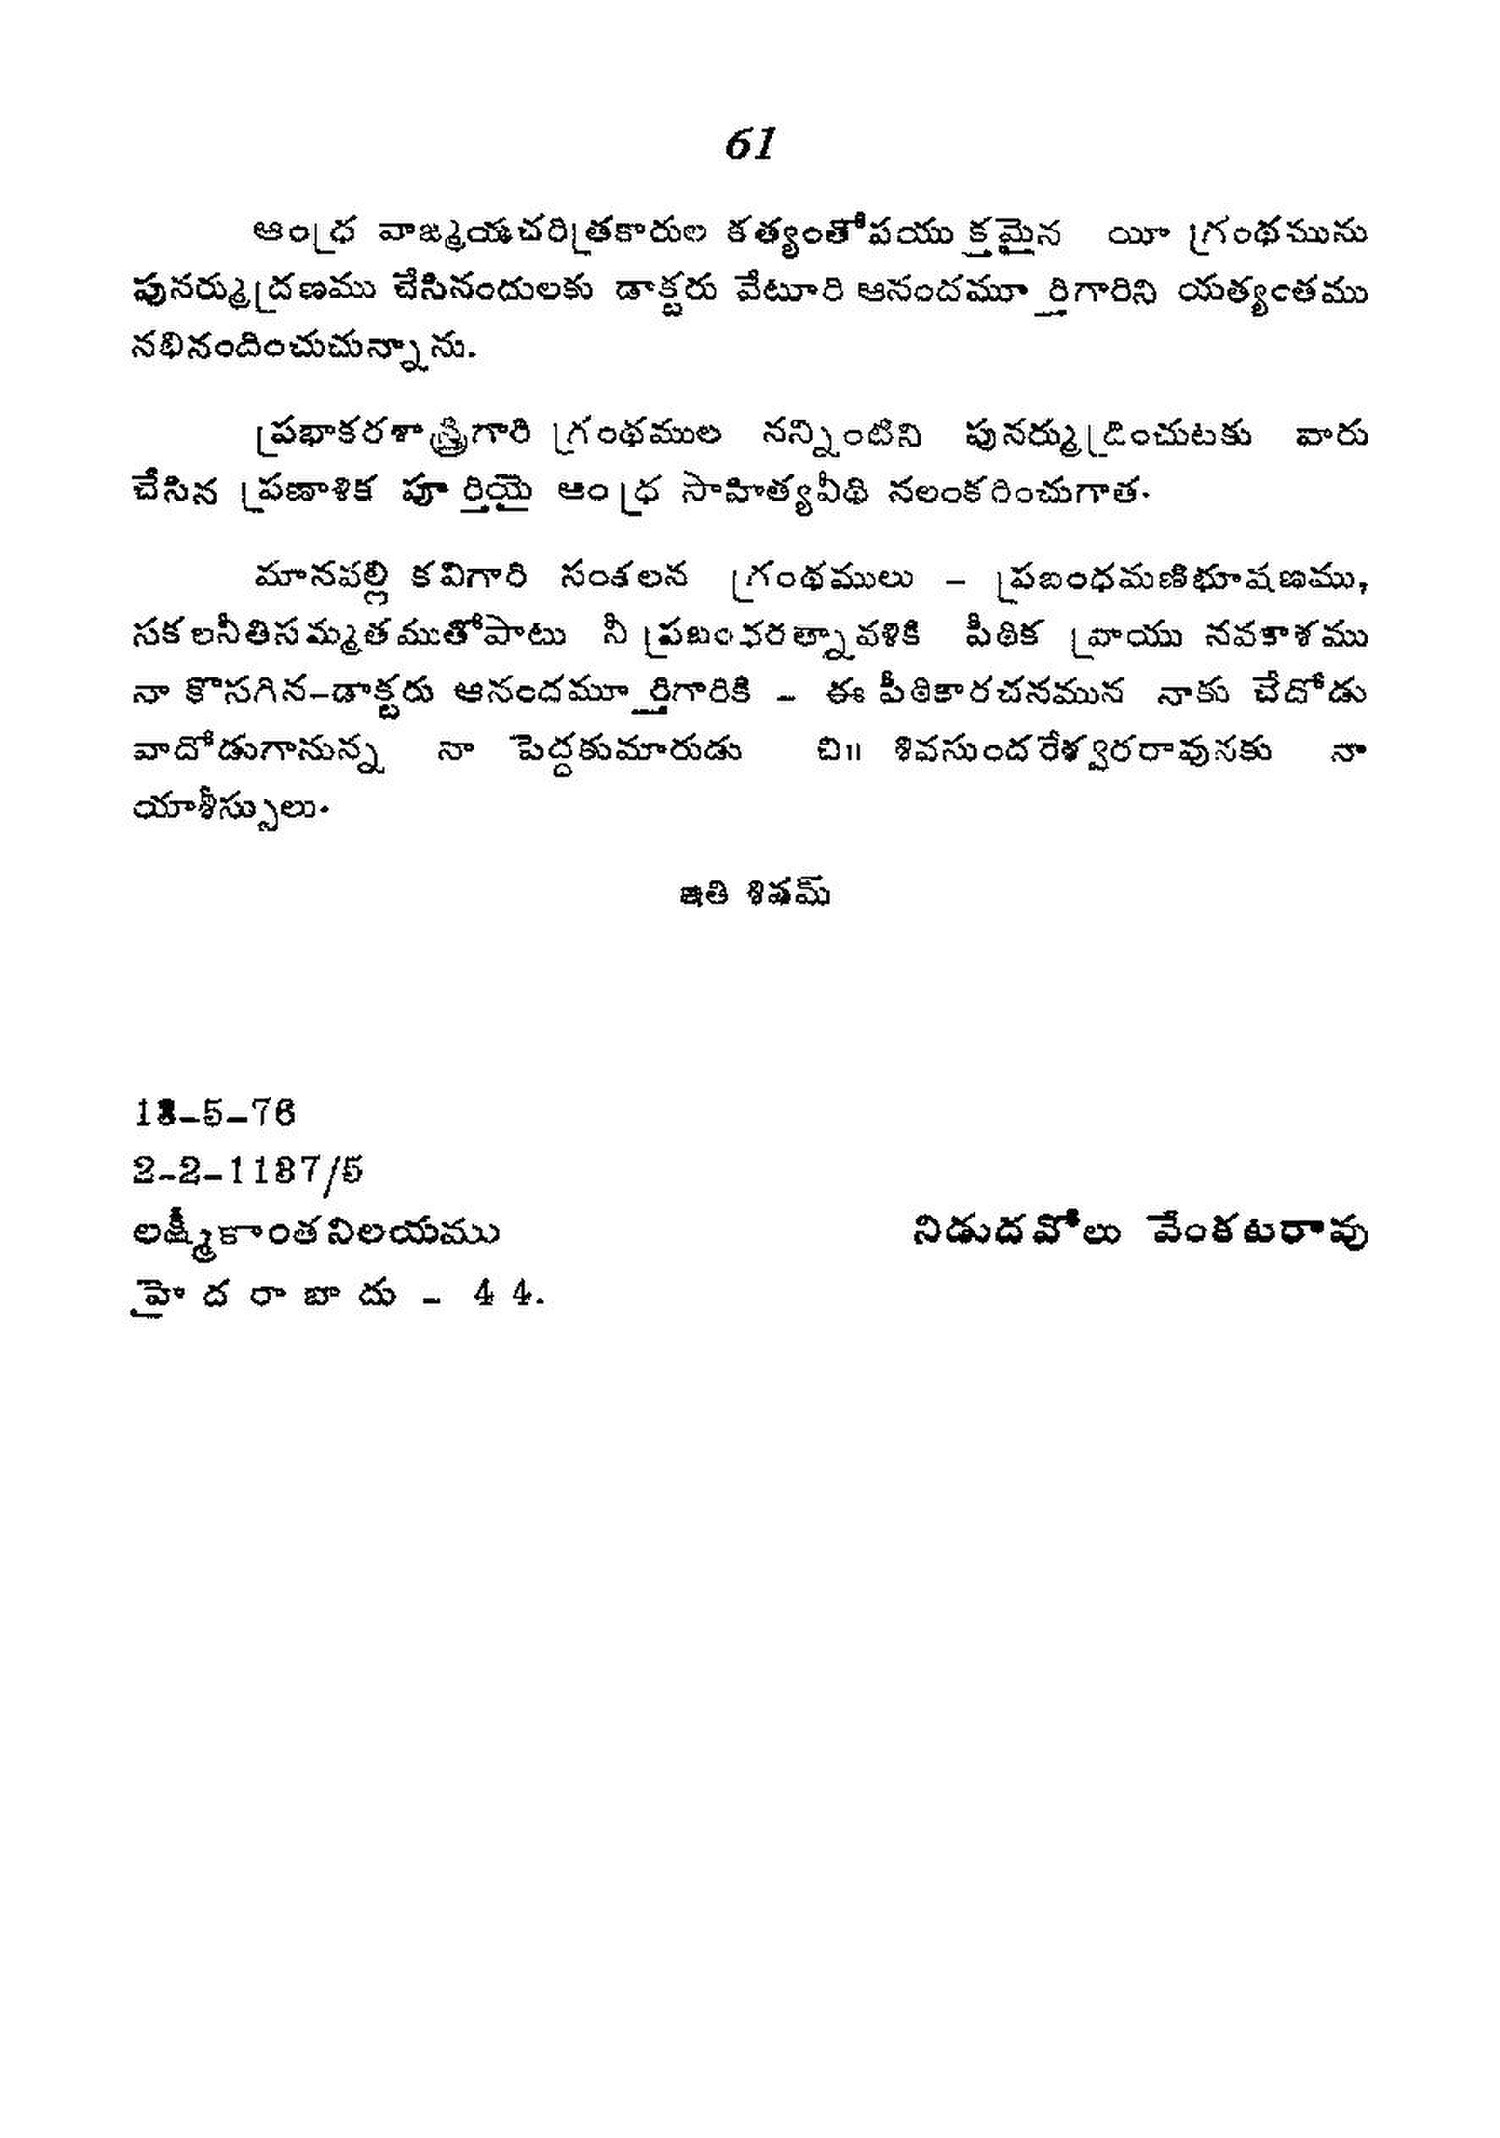ఆంధ్ర వాజ్మయచరిత్రకారుల కత్యంతోపయుక్తమైన యీ గ్రంథమును
పునర్ముద్రణము చేసినందులకు డాక్టరు వేటూరి ఆనందమూర్తిగారిని యత్యంతము
నభినందించుచున్నాను.

ప్రభాకరశాస్త్రిగారి గ్రంథముల నన్నింటిని పునర్ముద్రించుటకు వారు
చేసిన ప్రణాళిక పూర్తియై ఆంధ్ర సాహిత్యవీథి నలంకరించుగాత,

మానపల్లి కవిగారి సంకలన గ్రంథములు ప్రబంధమణిభూషణము,
సకలనీతి సమ్మతముతోపాటు నీ ప్రబంధరత్నావళికి పీఠిక వ్రాయు నవకాశము
నా కొసగిన డాక్టరు ఆనందమూర్తిగారికి ఈ పీఠికారచనమున నాకు చేదోడు
వాదోడుగా నున్న నా పెద్ద కుమారుడు చీ|| శివసుందరేశ్వరరావునకు
యాశీస్సులు.